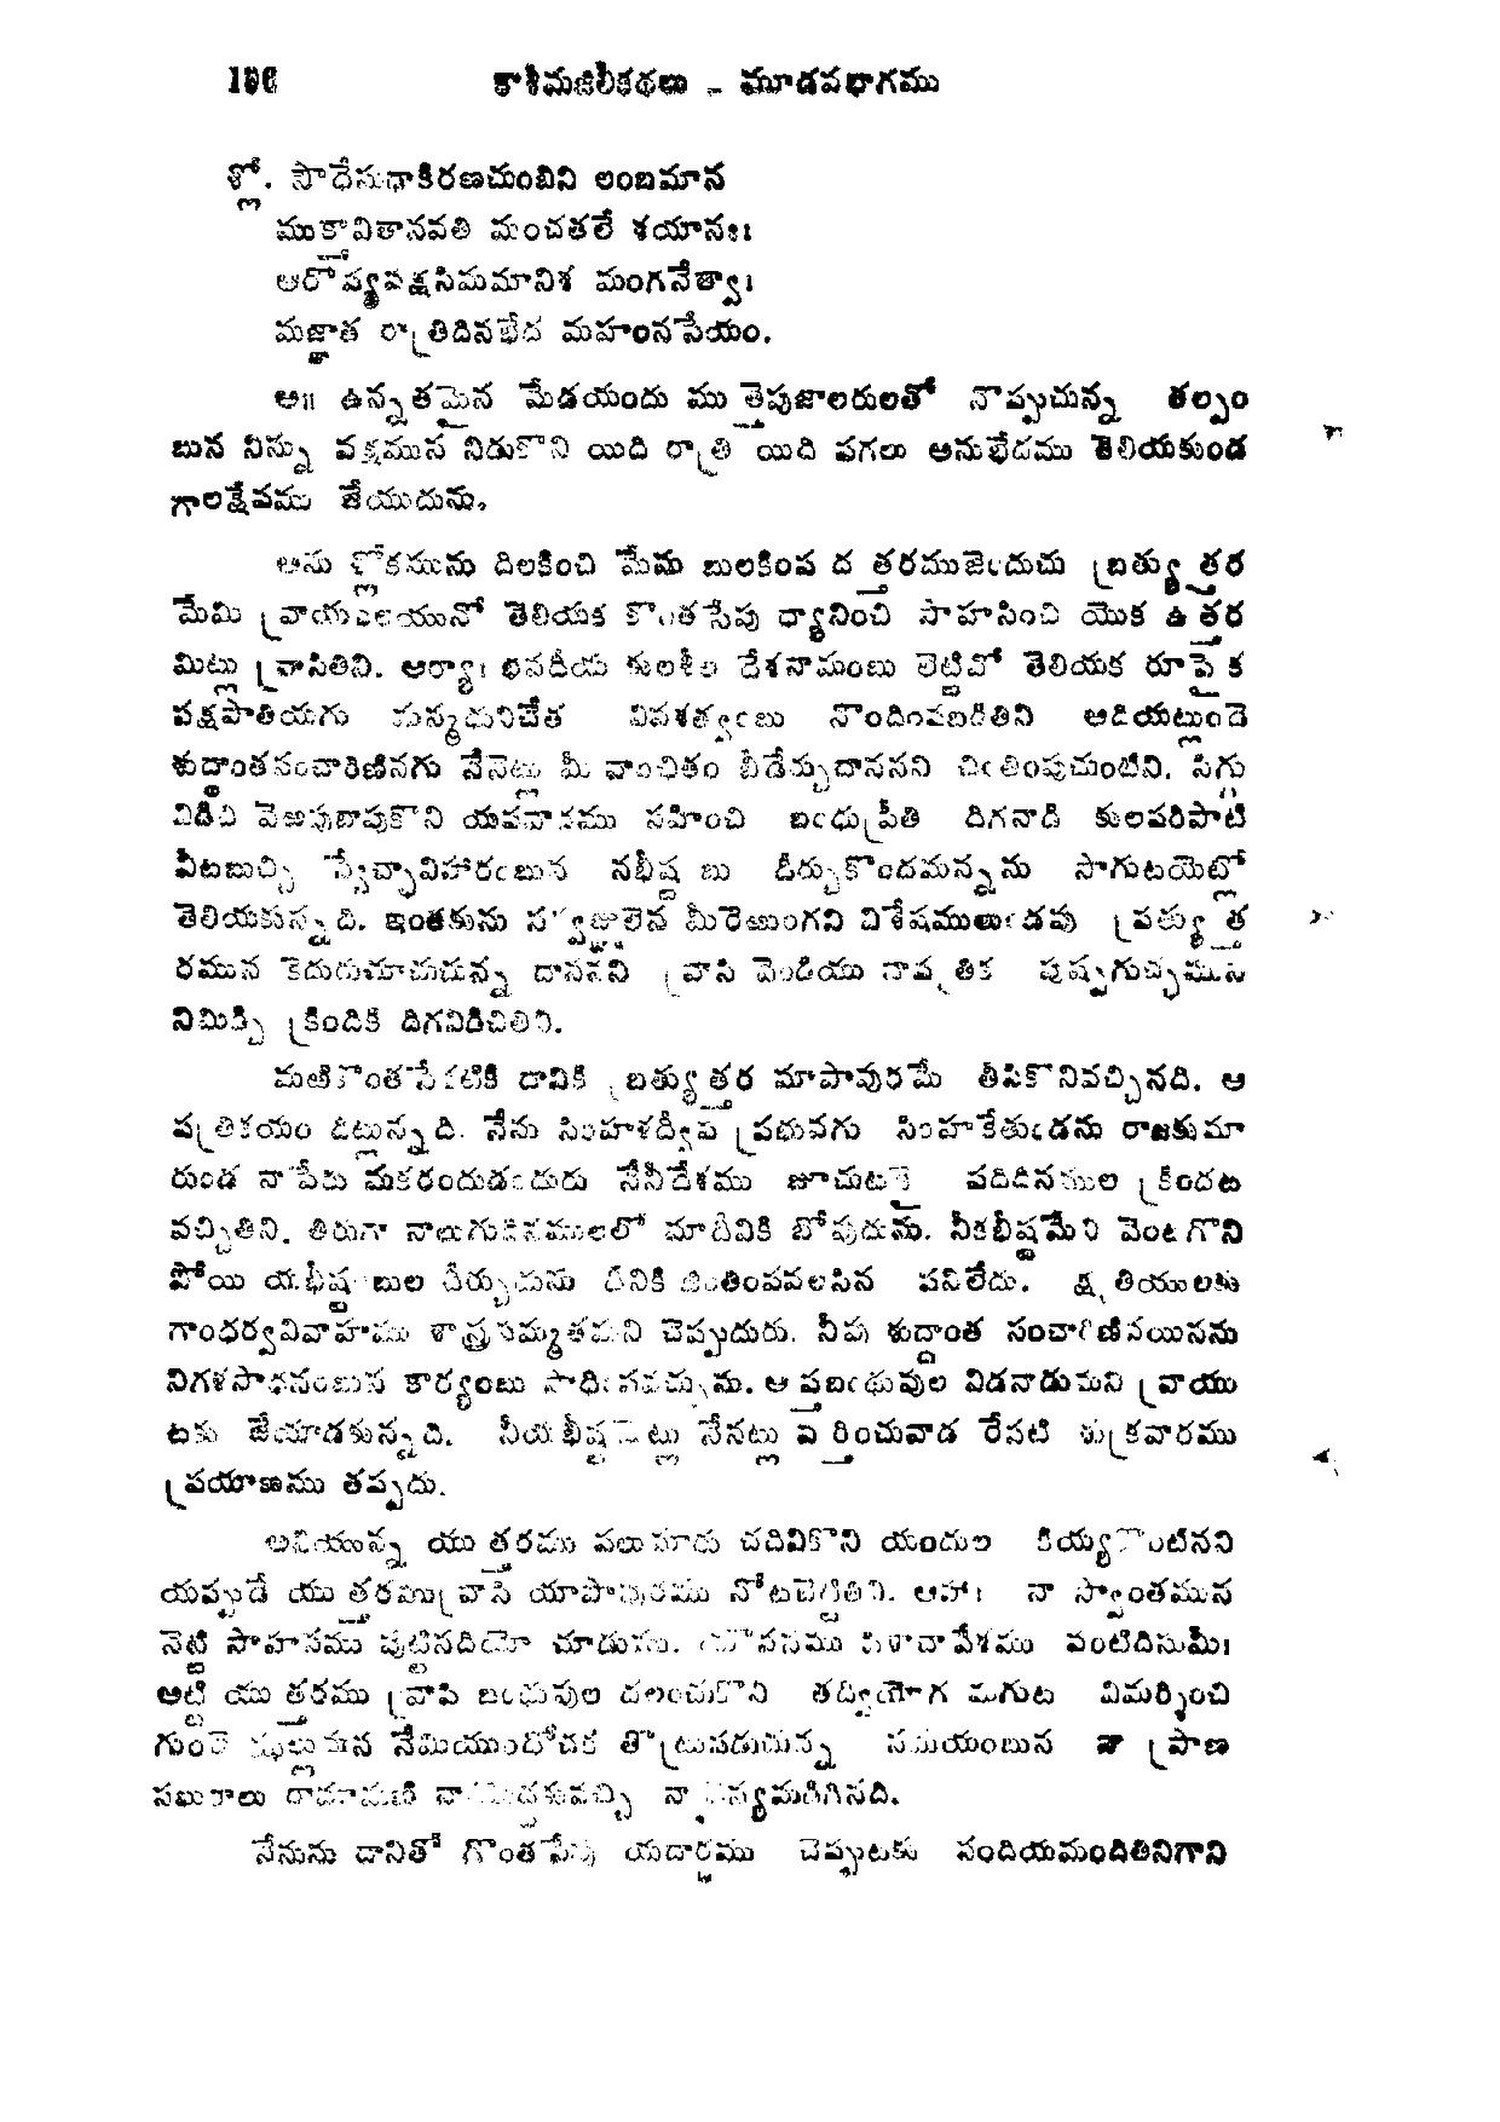శ్లో. సౌధేసుధాకిరణచుంబిని లంబమాన
 ముక్తావితానవతి మంచతలే శయానః!
 ఆరోప్యపక్షసిమమానిశ మంగనేత్వా!
 మజ్ఞాత రాత్రిదినభేద మహంనసేయం.
అ॥ ఉన్నతమైన మేడయందు ముత్తెపుజాలరులతో నొప్పుచున్న తల్పంబున నిన్ను వక్షమున నిడుకొని యిది రాత్రి యిది పగలు అనుభేదము తెలియకుండ గాలక్షేపము జేయుదును.

అను శ్లోకమును దిలకించి మేను బులకింప దత్తరముజెందుచు బ్రత్యుత్తర మేమి వ్రాయవలయునో తెలియక కొంతసేపు ధ్యానించి సాహసించి యొక ఉత్తర మిట్లు వ్రాసితిని. ఆర్యా! భవదీయ కులశీలదేశనామంబు లెట్టివో తెలియక రూపైకపక్షపాతియగు మన్మథునిచేత వివశత్వంబు నొందింపబడితిని. అది యట్లుండె. శుద్ధాంతసంచారిణినగు నేనెట్లు మీ వాంఛితం బీడేర్చుదాననని చింతింపుచుంటిని. సిగ్గువిడిచి వెఱపుబాపుకొని యపవాదము సహించి బంధుప్రీతి దిగనాడి కులపరిపాటి నీటబుచ్చి స్వేచ్ఛావిహారంబున నభీష్టంబు దీర్చుకొందమన్నను సాగుట యెట్లో తెలియకున్నది. ఇంతకును సర్వజ్ఞులైన మీరెఱుంగని విశేషములుండవు ప్రత్యుత్తరమున కెదురుచూచుచున్న దాననని వ్రాసి వెండియు నాపత్రిక పుష్పగుచ్ఛమున నిమిడ్చి క్రిందికి దిగవిడిచితిని.

మఱికొంతసేపటికి దానికి బ్రత్యుత్తర మాపావురమే తీసికొనివచ్చినది. ఆ పత్రికయం దిట్లున్నది. నేను సింహళద్వీప ప్రభువగు సింహకేతుఁడను రాజకుమారుండ నాపేరు మకరందుడందురు నేనీదేశము జూచుటకై పదిదినముల క్రిందట వచ్చితిని. తిరుగా నాలుగుదినములలో మాదీవికి బోవుదును. నీకభీష్టమేని వెంటగొనిపోయి యభీష్టంబుల దీర్చుదును దీనికి జింతింపవలసిన పనిలేదు. క్షత్రియులకు గాంధర్వవివాహము శాస్త్రసమ్మతమని చెప్పుదురు. నీవు శుద్దాంతసంచారిణివయినను
నిగళసాధనంబున కార్యంబు సాధింపవచ్చును. ఆప్తబంధువుల విడనాడుమని వ్రాయుటకు జేయాడుకున్నది. నీయభీష్టమెట్లు నేనట్లు వర్తించువాడ రేపటి శుక్రవారము ప్రయాణము తప్పదు.

అనియున్న యుత్తరము పలుమారు చదివికొని యందుల కియ్యకొంటినని యప్పుడే యుత్తరము వ్రాసి యాపావురము నోటబెట్టితిని. ఆహా ! నా స్వాంతమున నెట్టి సాహసము పుట్టినదియో చూడుము. యౌవనము పిశాచావేశము వంటిదిసుమీ! అట్టి యుత్తరము వ్రాసి బంధువుల దలంచుకొని తద్వియోగ మగుట విమర్శించి గుండె ఝల్లుమన నేమియుందోచక తొట్రుపడుచున్న సమయంబున నా ప్రాణసఖురాలు రామామణి నాయొద్దకువచ్చి నాదైన్యమడిగినది.

నేనును దానితో గొంతసేపు యథార్ధము చెప్పుటకు సందియమందితినిగాని